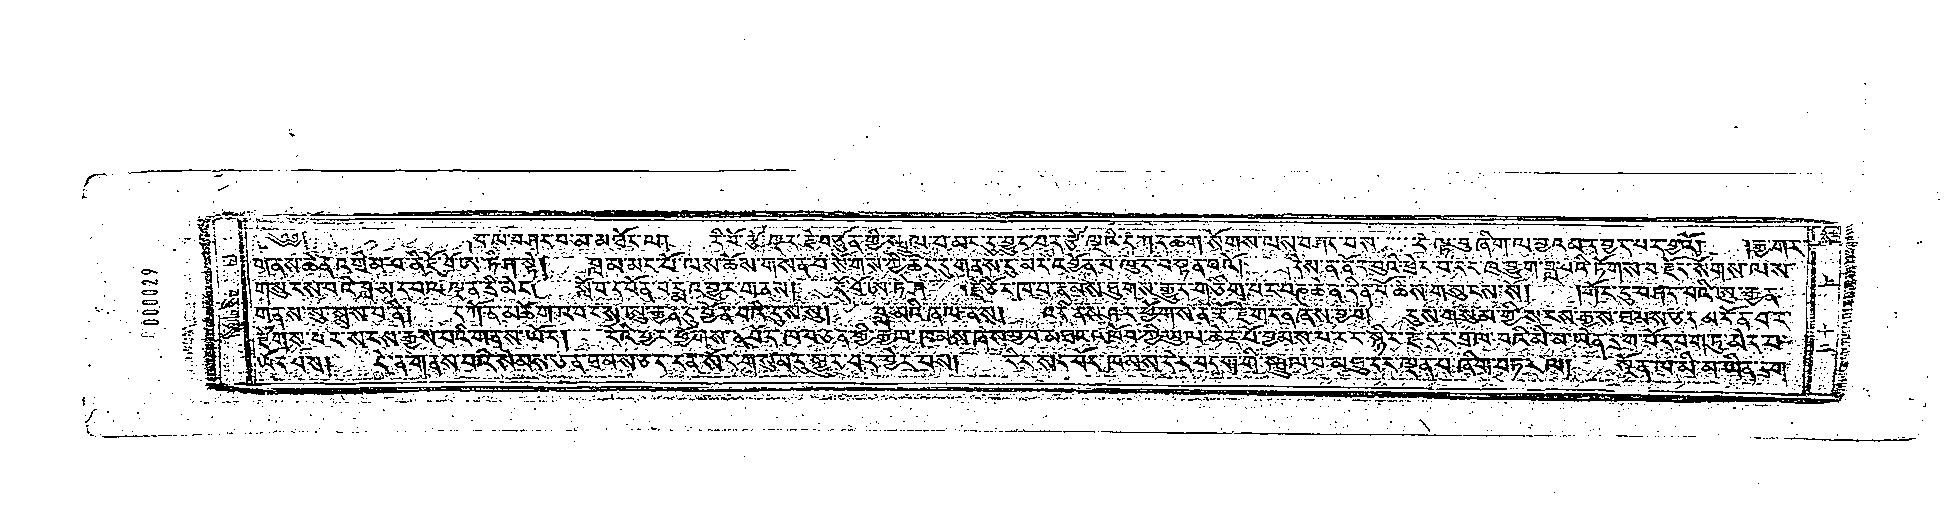༄༅། །བ་ལ་བཤང་པ་མ་མཐོང་ལ། རི་བོ་རྩེ་ལྔར་རྗེ་བཙུན་གྱི་སྤྲུལ་པ་མང་དུ་བྱུང་བར་རྩེ་ལྔའི་དཀར་ཆག་སོགས་ལས་བཤད་པས་དེ་ལྟ་བུ་ཞིག་ལ་བྱའམ་དབྱད་པར་བྱའོ། །རྒྱ་གར་
གནས་ཆེན་འགྲིམ་པ་ནི་ཇོ་བོ་ཨ་ཏི་ཤ་སྟེ། བླ་མ་མང་པོ་ལས་ཆོས་གསན་བ་སོགས་ཀྱི་ཆེད་དུ་གནས་དུ་མར་འབྱོན་པ་ལུང་བསྟན་པའོ། །དེས་ན་ནོར་བུའི་ཕྲེང་བ་དང་ཁུ་བྱུག་ཟླ་བའི་ཏོགས་བརྗོད་སོགས་ལས་
གསུངས་པའི་བླ་མ་དཔལ་ལྡན་དྲི་མེད། སློབ་དཔོན་པདམ་འབྱུང་གནས། །ཇོ་བོ་ཨ་ཏི་ཤ་།རྗེ་ཙོང་ཁ་པ་རྣམས་ཐུགས་རྒྱུད་གཅིག་པར་པཎ་ཆེན་རིན་པོ་ཆེས་གསུངས་སོ། །གོང་དུ་བཤད་པའི་ཨུ་རྒྱན་
གནས་སུ་སྨྲས་པ་ནི། དཀོན་མཆོག་འབངས་ཨུ་རྒྱན་དུ་བྱོན་པའི་དུས་སུ། བླ་མའི་ཞལ་ནས། འདི་ནས་ཤར་ཕྱོགས་ན་རྡོ་རྗེ་གང་ན་ཞེས་བྱ་བ། དུས་གསུམ་གྱི་སངས་རྒྱས་ཐམས་ཅད་མངོན་པར་
རྫོགས་པར་སངས་རྒྱས་པའི་གནས་ཡོང་། དེའི་བྱང་ཕྱོགས་ན་བོད་ཁ་བ་ཅན་གྱི་རྒྱལ་ཁམས་ཞེས་བྱ་བ་མཐའ་འཁོབ་ཀྱི་ཡུལ་ཆེན་པོ་བྱམས་པ་དང་སྙིང་རྗེ་དང་བྲལ་བའི་མི་མ་ཡིན་དྲག་པོ་དཔག་ཏུ་མེད་པ་
ཡོད་པས། དེ་ན་གནས་པའི་སེམས་ཅན་ཐམས་ཅད་ངན་སོང་གསུམ་དུ་སྐྱུར་བར་བྱེད་པས། དིང་སང་བོད་ཁམས་དེར་བདག་གི་སྤྲུལ་པ་མཐུ་ངང་ལྡན་པ་ཞིག་བཏང་ལ། སྔོན་ལ་མི་མ་ཡིན་དྲག་